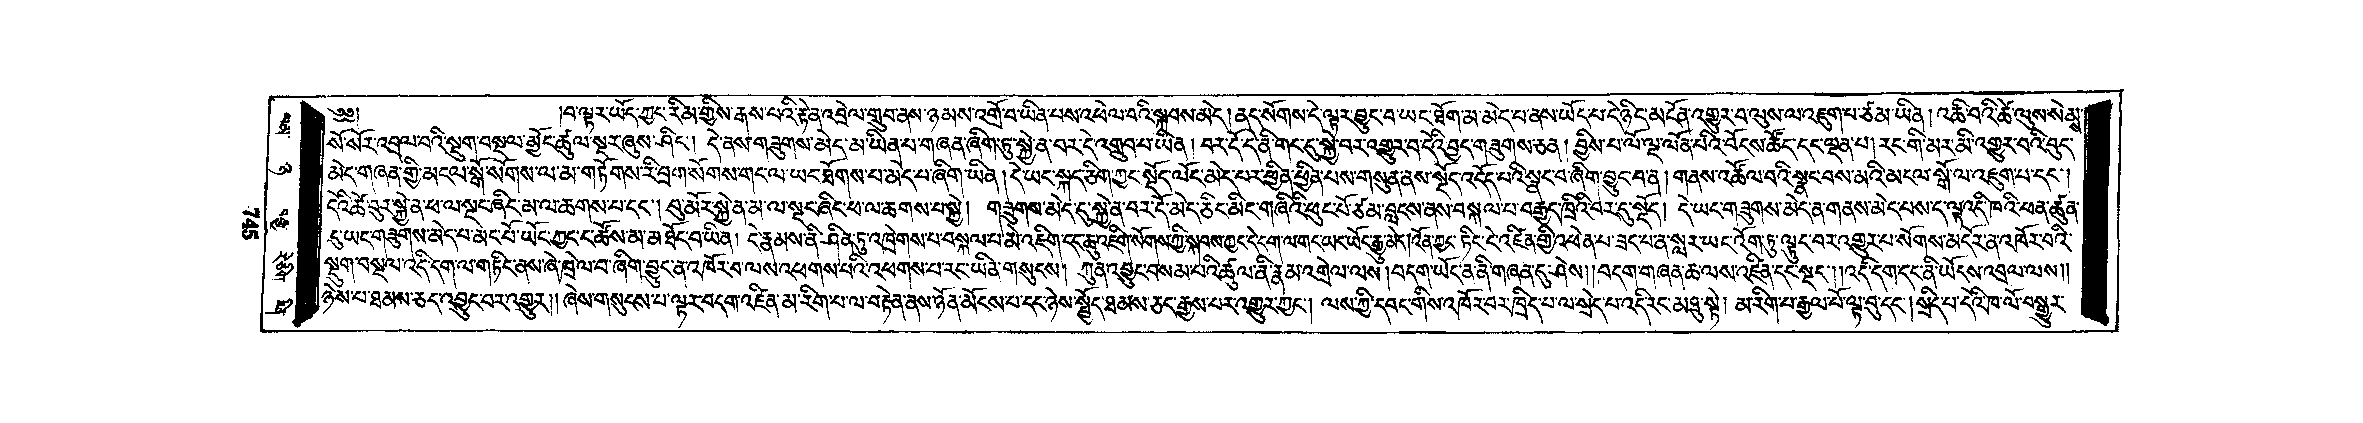༄༅། །བ་ལྟར་ཡོད་ཀྱང་རིམ་གྱིས་རྒས་པའི་རྟེན་འབྲེལ་གྲུབ་ནས་ཉམས་འགྲོ་བ་ཡིན་པས་འཕེལ་བའི་སྐབས་མེད། ནད་སོགས་དེ་ལྟར་བྱུང་བ་ཡང་ཐོག་མ་མེད་པ་ནས་ཡོད་པ་དེ་ཉིད་མངོན་འགྱུར་བ་ལུས་ལ་འཇུག་པ་ཙམ་ཡིན། འཆི་བའི་ཚེ་ལུས་སེམས་
སོ་སོར་འབྲལ་བའི་སྡུག་བསྔལ་མྱོང་ཚུལ་སྔར་ཞུས་ཤིང་། དེ་ནས་གཟུགས་མེད་མ་ཡིན་པ་གཞན་ཞིག་ཏུ་སྐྱེ་ན་བར་དེ་འགྲུབ་པ་ཡིན། བར་དོ་དེ་ནི་གང་དུ་སྐྱེ་བར་འགྱུར་བ་དེའི་བྱད་གཟུགས་ཅན། བྱིས་པ་ལོ་ལྔ་ལོན་པའི་བོངས་ཚོད་དང་ལྡན་པ། རང་གི་མར་མི་འགྱུར་བའི་བུད་
མེད་གཞན་གྱི་མངལ་སྒོ་སོགས་ལ་མ་གཏོགས་རི་བྲག་སོགས་གང་ལ་ཡང་ཐོགས་པ་མེད་པ་ཞིག་ཡིན། དེ་ཡང་སྐད་ཅིག་ཀྱང་སྡོད་ལོང་མེད་པར་ཕྱིན་ཕྱིན་པས་གསུན་ནས་སྡོད་འདོད་པའི་སྣང་བ་ཞིག་བྱུང་བ་ན། གནས་འཚོལ་བའི་སྣང་བས་མའི་མངལ་སྒོ་ལ་འཇུག་པ་དང་།
དེའི་ཚེ་བུར་སྐྱེ་ན་ཕ་ལ་སྡང་ཞིང་མ་ལ་ཆགས་པ་དང་། བུ་མོར་སྐྱེ་ན་མ་ལ་སྡང་ཞིང་ཕ་ལ་ཆགས་པ་སྐྱེ། གཟུགས་མེད་དུ་སྐྱེ་ན་བར་དོ་མེད་ཅིང་མིང་གཞིའི་ཕུང་པོ་ཙམ་བླངས་ནས་བསྐལ་པ་བརྒྱད་ཁྲིའི་བར་དུ་སྡོད། དེ་ཡང་གཟུགས་མེད་ན་གནས་མེད་པས་ད་ལྟ་འདི་ཁའི་ཕན་ཚུན་
དུ་ཡང་གཟུགས་མེད་པ་མང་པོ་ཡོད་ཀྱང་ང་ཚོས་མ་མཐོང་བ་ཡིན། དེ་རྣམས་ནི་ཤིན་ཏུ་འཁྲེགས་པ་བསྐལ་པ་མེ་འཇིག་དང་ཆུ་འཇིག་སོགས་ཀྱི་སྐབས་ཀྱང་དེ་དག་ལ་གང་ཡང་ཡོང་རྒྱུ་མེད། འོན་ཀྱང་ཏིང་ངེ་འཛིན་གྱི་འཕེན་པ་ཟད་པ་ན་སླར་ཡང་འོག་ཏུ་ལྟུང་བར་འགྱུར་པ་སོགས་མདོར་ན་འཁོར་བའི་
སྡུག་བསྔལ་འདི་དག་ལ་གཏིང་ནས་ཞེ་ཁྲེལ་བ་ཞིག་བྱུང་ན་འཁོར་བ་ལས་འཕགས་པའི་འཕགས་པ་རང་ཡིན་གསུངས། ཀུན་འབྱུང་བསམ་པའི་ཚུལ་ནི་རྣམ་འགྲེལ་ལས། བདག་ཡོད་ན་ནི་གཞན་དུ་ཤེས། བདག་གཞན་ཆ་ལས་འཛིན་དང་སྡང་། །འདི་དག་དང་ནི་ཡོངས་འབྲལ་ལས། །
ཉེས་པ་ཐམས་ཅད་འབྱུང་བར་འགྱུར། །ཞེས་གསུངས་པ་ལྟར་བདག་འཛིན་མ་རིག་པ་ལ་བརྟེན་ནས་ཉོན་མོངས་པ་དང་ཉེས་སྤྱོད་ཐམས་ཅད་རྒྱས་པར་འགྱུར་ཀྱང་། ལས་ཀྱི་དབང་གིས་འཁོར་བར་ཁྲིད་པ་ལ་སྲེད་པ་འདི་རང་མཐུ་སྟེ། མ་རིག་པ་རྒྱལ་པོ་ལྟ་བུ་དང་། སྲིད་པ་དེའི་ཁ་ལོ་བསྒྱུར་